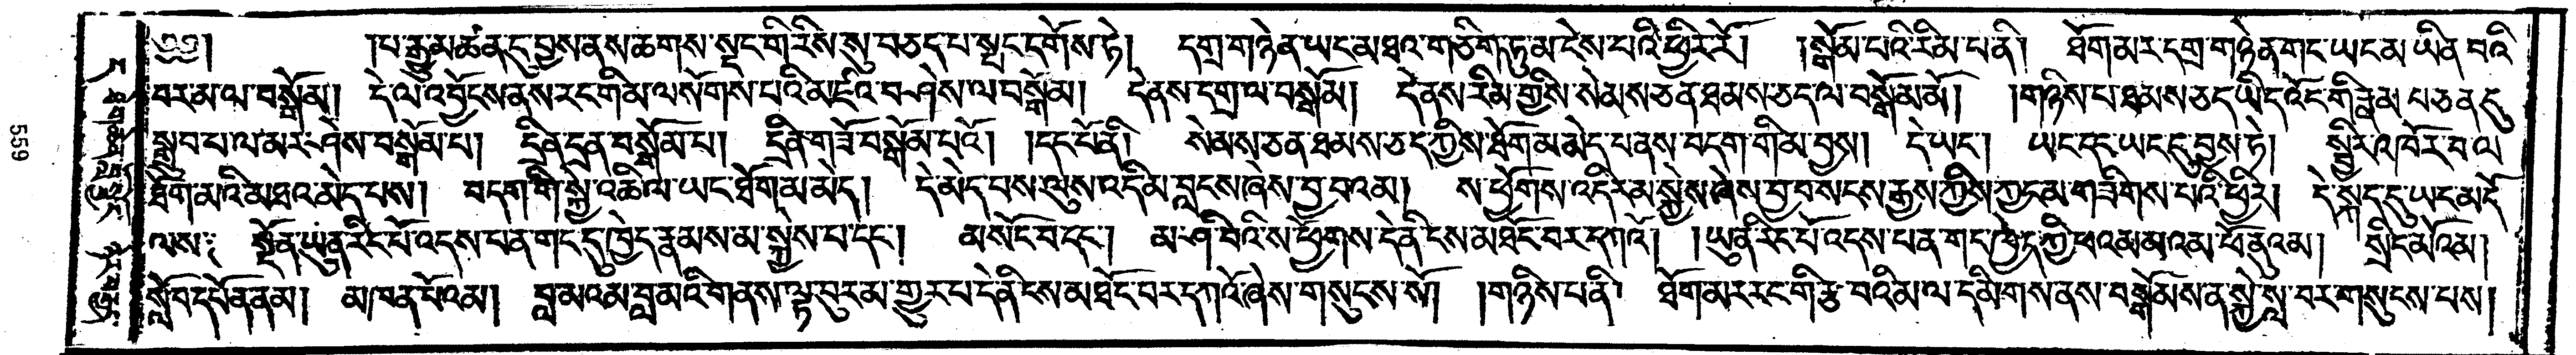༄༅། །པ་རྒྱུ་མཚན་དུ་བྱས་ནས་ཆགས་སྡང་གི་རིས་སུ་བཅད་པ་སྤང་དགོས་ཏེ། དགྲ་གཉེན་ཡང་མཐའ་གཅིག་ཏུ་མ་ངེས་པའི་ཕྱིར་རོ། །སྒོམ་པའི་རིམ་པ་ནི། ཐོག་མར་དགྲ་གཉེན་གང་ཡང་མ་ཡིན་བའི་
བར་མ་ལ་བསྒོམ། དེ་ལ་འབྱོངས་ནས་རང་གི་མ་ལ་སོགས་པའི་མཛའ་བཤེས་ལ་བསྒོམ། དེ་ནས་དགྲ་ལ་བསྒོམ། དེ་ནས་རིམ་གྱིས་སེམས་ཅན་ཐམས་ཅད་ལ་བསྒོམ་མོ། །གཉིས་པ་ཐམས་ཅད་ཡིད་འོང་གི་རྣམ་པ་ཅན་དུ་
སྒྲུབ་པ་ལ་མར་ཤེས་བསྒོམ་པ། དྲིན་དྲན་བསྒོམ་པ། དྲིན་གཟོ་བསྒོམ་པའོ། །དང་པོ་ནི། སེམས་ཅན་ཐམས་ཅད་ཀྱིས་ཐོག་མ་མེད་པ་ནས་བདག་གི་མ་བྱས། དེ་ཡང་། ཡང་དང་ཡང་དུ་བྱས་ཏེ། སྦྱིར་འཁོར་བ་ལ་
ཐོག་མའི་མཐའ་མེད་པས། བདག་གི་སྐྱེ་འཆི་ལ་ཡང་ཐོག་མ་མེད། དེ་མེད་པས་ལུས་འདི་མ་བླངས་ཞེས་བྱ་བའམ། ས་ཕྱོགས་འདིར་མ་སྐྱེས་ཞེས་བྱ་བ་སངས་རྒྱས་ཀྱིས་ཀྱང་མ་གཟིགས་པའི་ཕྱིར། དེ་སྐད་དུ་ཡང་མདོ་
ལས༑ སྔོན་ཡུན་རིང་པོ་འདས་པ་ན་གང་དུ་ཁྱེད་རྣམས་མ་སྐྱེས་པ་དང་། མ་སོང་བ་དང་། མ་ཤི་བའི་ས་ཕྱོགས་དེ་ནི་ངས་མཐོང་བར་དཀའོ། །ཡུན་རིང་པོ་འདས་པ་ན་གང་ཁྱེད་ཀྱི་ཕའམ་མའམ་ཕོ་ནུའམ། སྲིང་མོའམ།
སློབ་དཔོན་ནམ། མཁན་པོའམ། བླ་མའམ་བླ་མའི་གནས་ལྟ་བུར་མ་གྱུར་པ་དེ་ནི་ངས་མཐོང་བར་དཀའོ་ཞེས་གསུངས་སོ། །གཉིས་པ་ནི། ཐོག་མར་རང་གི་རྩ་བའི་མ་ལ་དམིགས་ནས་བསྒོམས་ན་སྐྱེ་སླ་བར་གསུངས་པས།